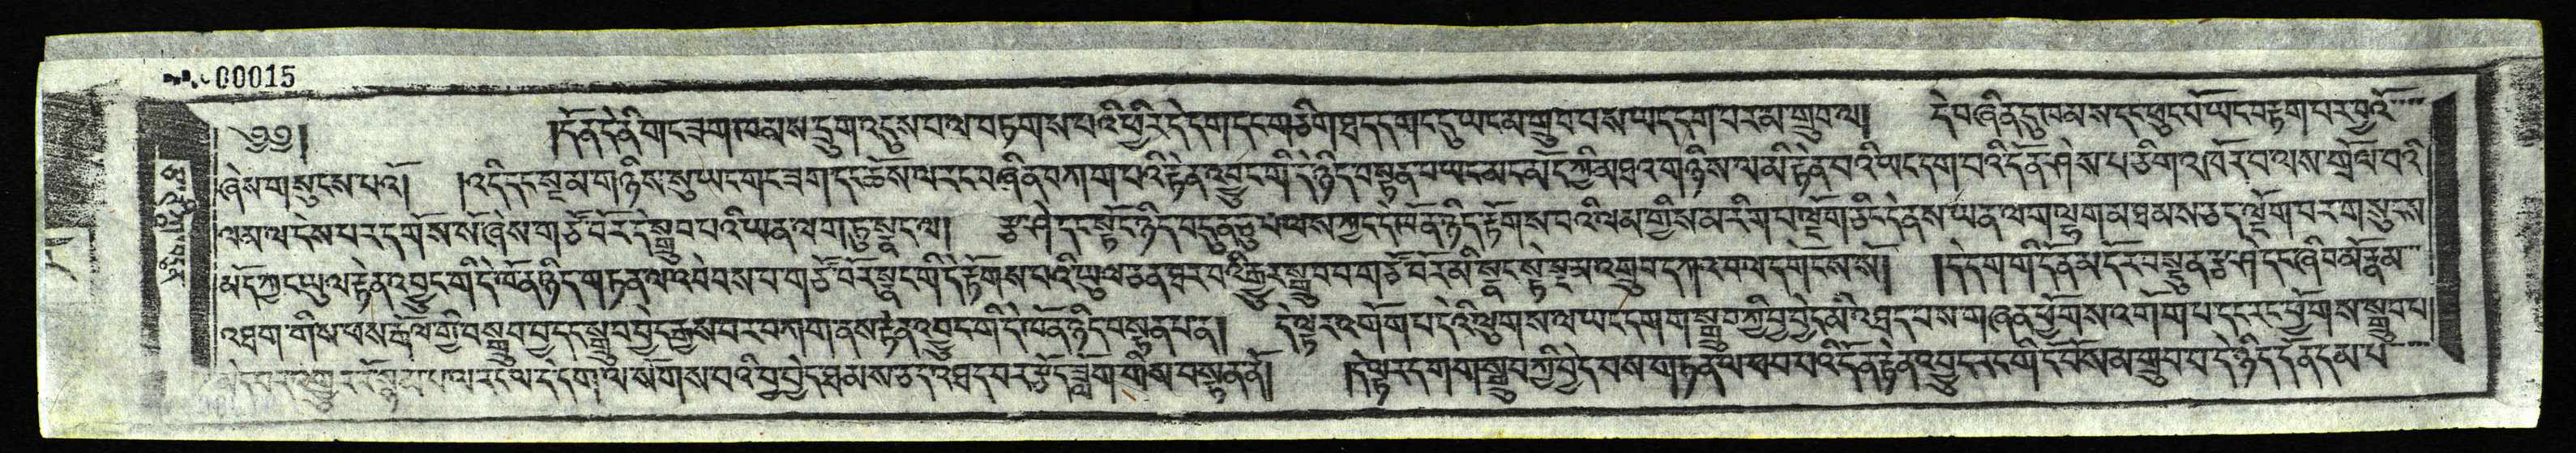༄༅། །དོན་དེ་ནི་གང་ཟག་ཁམས་དྲུག་འདུས་པ་ལ་བཏགས་པའི་ཕྱིར་དེ་དག་དང་གཅིག་ཐ་དད་གང་དུ་ཡང་མ་གྲུབ་པས་ཡང་དག་པར་མ་གྲུབ་ལ། དེ་བཞིན་དུ་ཁམས་དང་ཕུང་པོ་ཡང་བརྟག་པར་བྱའོ་
ཞེས་གསུངས་པའོ། །འདི་དང་སྔ་མ་གཉིས་སུ་ཡང་གང་ཟག་དང་ཆོས་ལ་རང་བཞིན་བཀག་པའི་རྟེན་འབྱུང་གི་དེ་ཉིད་བསྟན་པ་ཡང་མང་མོད་ཀྱི་མཐའ་གཉིས་ལ་མི་རྟེན་པའི་ཡང་དག་པའི་དོན་ཤེས་པ་ཅིག་འཁོར་བ་ལས་གྲོལ་བའི་
ལམ་ལ་ངེས་པར་དགོས་སོ་ཞེས་གཙོ་བོར་དེ་སྒྲུབ་པའི་ཡན་ལག་ཏུ་སྣང་ལ། རྩ་ཤེ་དང་སྟོང་ཉིད་བདུན་ཅུ་པ་ལས་ཀྱང་དེ་ཁོ་ན་ཉིད་རྟོགས་པའི་ལམ་གྱིས་མ་རིག་པ་ལྡོག་ཅིང་དེ་ནས་ཡན་ལག་ལྷག་མ་ཐམས་ཅད་ལྡོག་པར་གསུངས་
མོད་ཀྱང་ཡུལ་རྟེན་འབྱུང་གི་དེ་ཁོ་ན་ཉིད་གཏན་ལ་འབེབས་པ་གཙོ་བོར་སྣང་གི་དེ་རྟོགས་པའི་ཡུལ་ཅན་ཐར་བའི་རྒྱུར་སྒྲུབ་པ་གཙོ་བོར་མི་སྣང་སྟེ་སྔ་མ་འགྲུབ་དཀའ་བ་ལ་དགོངས་སོ། །དེ་དག་གི་དོན་མདོར་བསྡུན་རྩ་ཤེ་དང་ཞིབ་མོ་རྣམ་
འཐག་གིས་ཕས་རྒོལ་གྱི་བསྒྲུབ་བྱ་དང་སྒྲུབ་བྱེད་རྒྱས་པར་བཀག་ནས་རྟེན་འབྱུང་གི་དེ་ཁོ་ན་ཉིད་བསྟན་པ་ན། དེ་ལྟར་འགོག་པ་དེའི་ལུགས་ལ་ཡང་དགག་སྒྲུབ་ཀྱི་བྱ་བྱེད་མི་འཐད་པས་གཞན་ཕྱོགས་འགོག་པ་དང་རང་ཕྱོགས་སྒྲུབ་པ་
མེད་པར་འགྱུར་རོ་སྙམ་པ་ལ་རང་ལ་དེ་དག་ལ་སོགས་པའི་བྱ་བྱེད་ཐམས་ཅད་འཐད་པར་རྩོད་ཟློག་གིས་བསྟན་ནོ། །དེ་ལྟར་དགག་སྒྲུབ་ཀྱི་བྱེད་པས་གཏན་ལ་ཕབ་པའི་དོན་རྟེན་འབྱུང་རང་གི་ངོ་བོས་མ་གྲུབ་པ་དེ་ཉིད་དོན་དམ་པ་